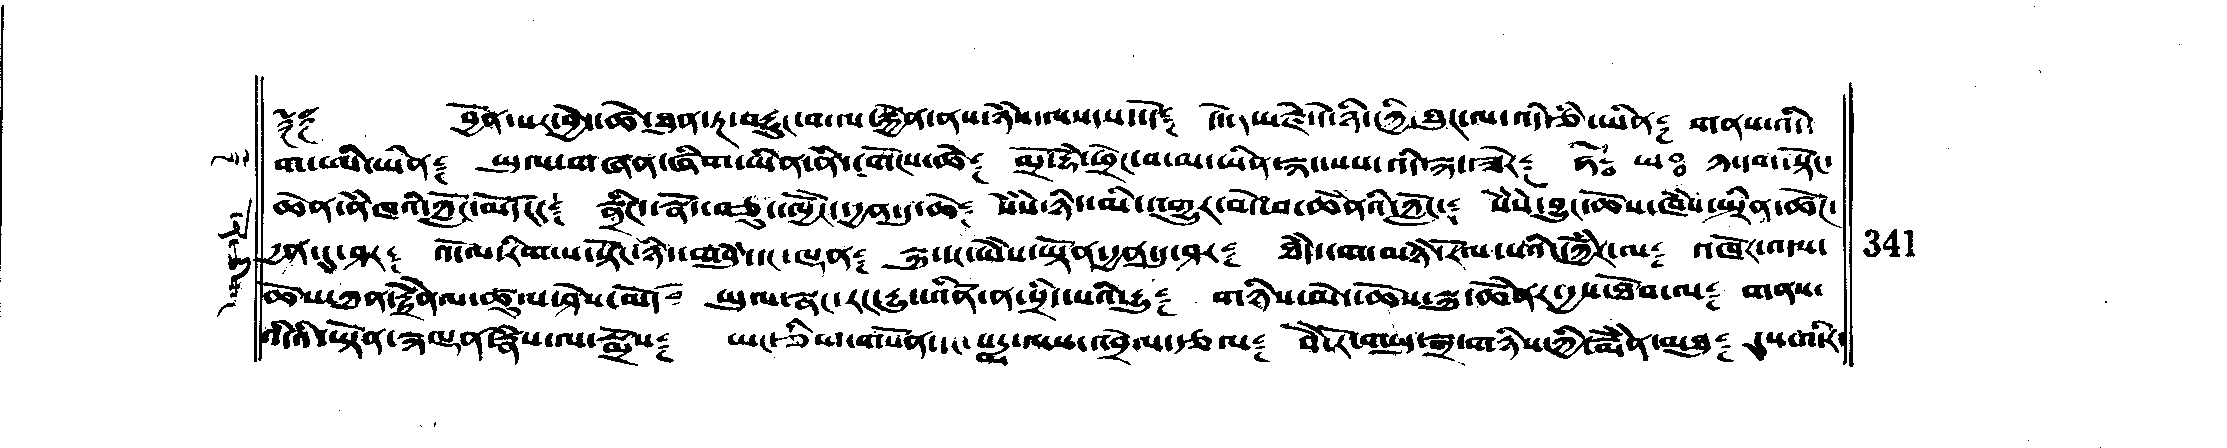བྱོན་པར་བྱེད་ཚེ་ཐུན་རྔ་བརྡུང་བ་ལ་རྐྱེན་ནས་ཉམས་ལས་སད་དོ། དེ་ནས་རྗེ་དེ་ཉིད་ཀྱི་ཐུགས་ལ་འདི་ཅི་ཡིན། གནས་འདི་
ག་ཨི་ཡིན། ཡུལ་གཞན་ཞིག་ཡིན་ནམ་དགོངས་ཚེ། མཁའ་འགྲོ་རྡོ་རྗེ་ཕྲེང་བ་མ་ཡིན་སྐད་པས་འདི་སྐད་ཟེར། ཧེཿ ཡཿ ཀ་དག་སྟོང་
ཆེན་ནམ་མཁའི་ཀློངམཛོད་ངང་། །སྣང་སྲིད་སྣོད་བཅུད་ལོངས་སྤྱོད་རྒྱན་དུ་ཆེ། །སེམས་ཉིད་མི་འགྱུར་བདེ་བ་ཆེན་པོའི་ཀློང་། །སེམས་བྱུང་ཆོས་ཁམས་སྤྲིན་ཚོགས་
རྒྱན་དུ་ཤར། །འོད་གསལ་རིག་པ་སྟོང་ཉིད་གསུམ་དང་ལྡན། །སྐུ་དང་ཡེ་ཤེས་ཡོན་ཏན་རྒྱན་དུ་ཤར། །ཐམས་ཅད་དག་མཉམ་རོལ་པའི་དཀྱིལ་འཁོར་ལ། །འཁོར་འདས་
ཆོས་ཀུན་རྟེན་འབྲེལ་ཚུལ་ཤེས་མཛོད། །ཡུལ་སྣང་རང་རྒྱུད་འཛིན་ན་སྲིད་པའི་རྒྱུ། །གཉིས་མེད་ཆོས་སྐུ་ཆེན་པོར་རྒྱས་ཐོབ་ལ། །གནས་
འདིའི་ཡོན་ཏན་སྐལ་ལྡན་རྣམས་ལ་སྨྲོས། །ཡང་ཅིག་གསོན་དང་པདྨ་ལས་འབྲེལ་རྩལ། །བཻ་རོ་གཡུ་སྒྲ་གཉིས་ཀྱི་སྨོན་ལམ་མཐུ། །དུས་འདིར་